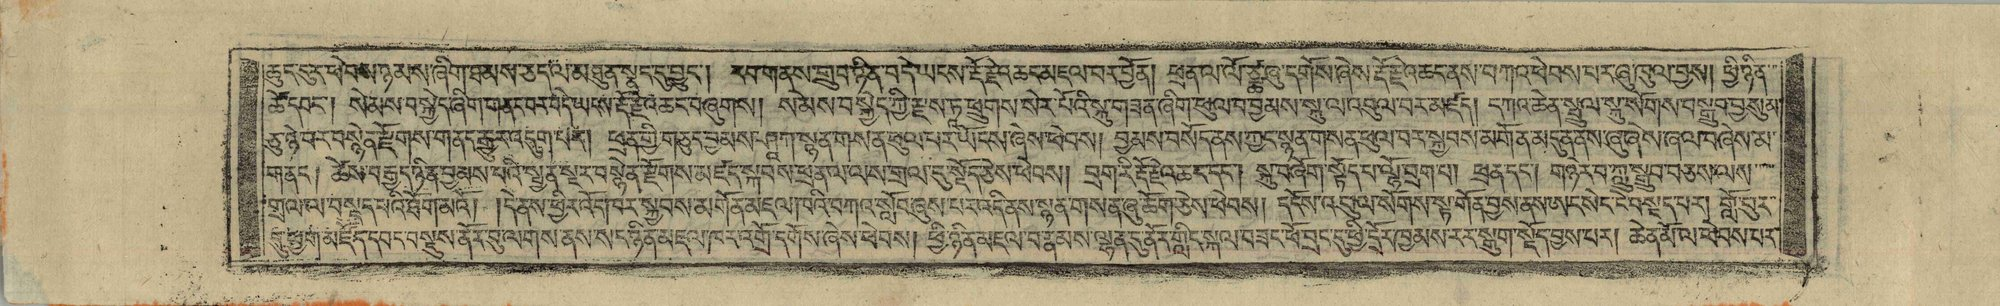ཆུང་ངུར་ཕེབས་ཉམས་ཞིག་ཐམས་ཅད་ལ་མཐུན་སྣང་དུ་བྱུང་། རབ་གནས་གྲུབ་ཉིན་བདེ་ཡངས་རྡོ་རྗེ་འཆང་མཇལ་བར་བྱོན། ཕྲན་ལ་ལོ་ཙྪ་ཞུ་དགོས་ཞེས་རྡོ་རྗེ་འཆང་ནས་བཀའ་ཕེབས་པར་ཞུ་ཁུལ་བྱས། ཕྱི་ཉིན་
ཚེ་དབང་། སེམས་བསྐྱེད་ཞིག་གནང་བར་བདེ་ཡངས་རྡོ་རྗེ་འཆང་བཞུགས། སེམས་བསྐྱེད་ཀྱི་རྫས་ཏཱ་ཕྲུགས་སེར་པོའི་སྐུ་གཟན་ཞིག་ཕུལ་བ་བྱམས་སྐུ་ལ་འབུལ་བར་མཛད། དཀའ་ཆེན་སྤྲུལ་སྐུ་སོགས་བསྒྲུབ་བྱ་སུམ་
ཅུ་ཉེ་བར་བསྙེན་རྫོགས་གནང་རྒྱུར་འདུག་པར། ཕྲན་གྱི་གཅུང་བྱམས་ཤཱཀ་སྙན་གསན་ཕུལ་བར་ཡོངས་ཞེས་ཕེབས། བྱམས་བསོད་ནས་ཀྱང་སྙན་གསན་ཕུལ་བར་སྐྱབས་མགོན་མདུན་ནས་ཞུ་ཞེས་ཞལ་བཞེས་མ་
གནང་། ཚེས་བརྒྱད་ཉིན་བྱམས་པའི་སྤྱན་སྔར་བསྙེན་རྫོགས་མཛད་སྐབས་ཕྲན་ལ་ལས་གྲལ་དུ་སྡོད་ཅེས་ཕེབས། བྲག་རི་རྡོ་རྗེ་འཆང་དང་། སྐུ་བཞོག་སྟོད་པ་ལྷོ་བྲག་པ། ཕྲན་དང་། གཉེར་བ་ཀླུ་སྒྲུབ་བཅས་ལས་
གྲལ་ལ་བསྡད་པའི་ཐོག་མའོ། །དེ་ནས་ཕྱིར་འོང་ཁར་སྐྱབས་མགོན་མཇལ་ཁའི་བཀའ་སློབ་ཞུས་པར་འདི་ནས་སྙན་གསན་ཞུ་ཆོག་ཅེས་ཕེབས། དངོས་འབུལ་སོགས་སྟ་གོན་བྱས་ནས་ཨང་སེང་ངེ་བསྡད་པར། གློ་བུར་
དུ་ཕྱག་མཛོད་དབང་བསྡུས་ནོར་བུ་ལགས་ནས་སང་ཉིན་མཇལ་ཁར་འགྲོ་དགོས་ཞེས་ཕེབས། ཕྱི་ཉིན་མཇལ་བ་རྣམས་ལྷན་དུ་ནོར་གླིང་སྐལ་བཟང་ཕོ་བྲང་དུ་ཕྱི་དྲོར་ཁྱམས་རར་སྒུག་སྡོད་བྱས་པར། ཆེན་མོ་ལ་ཕེབས་པར་